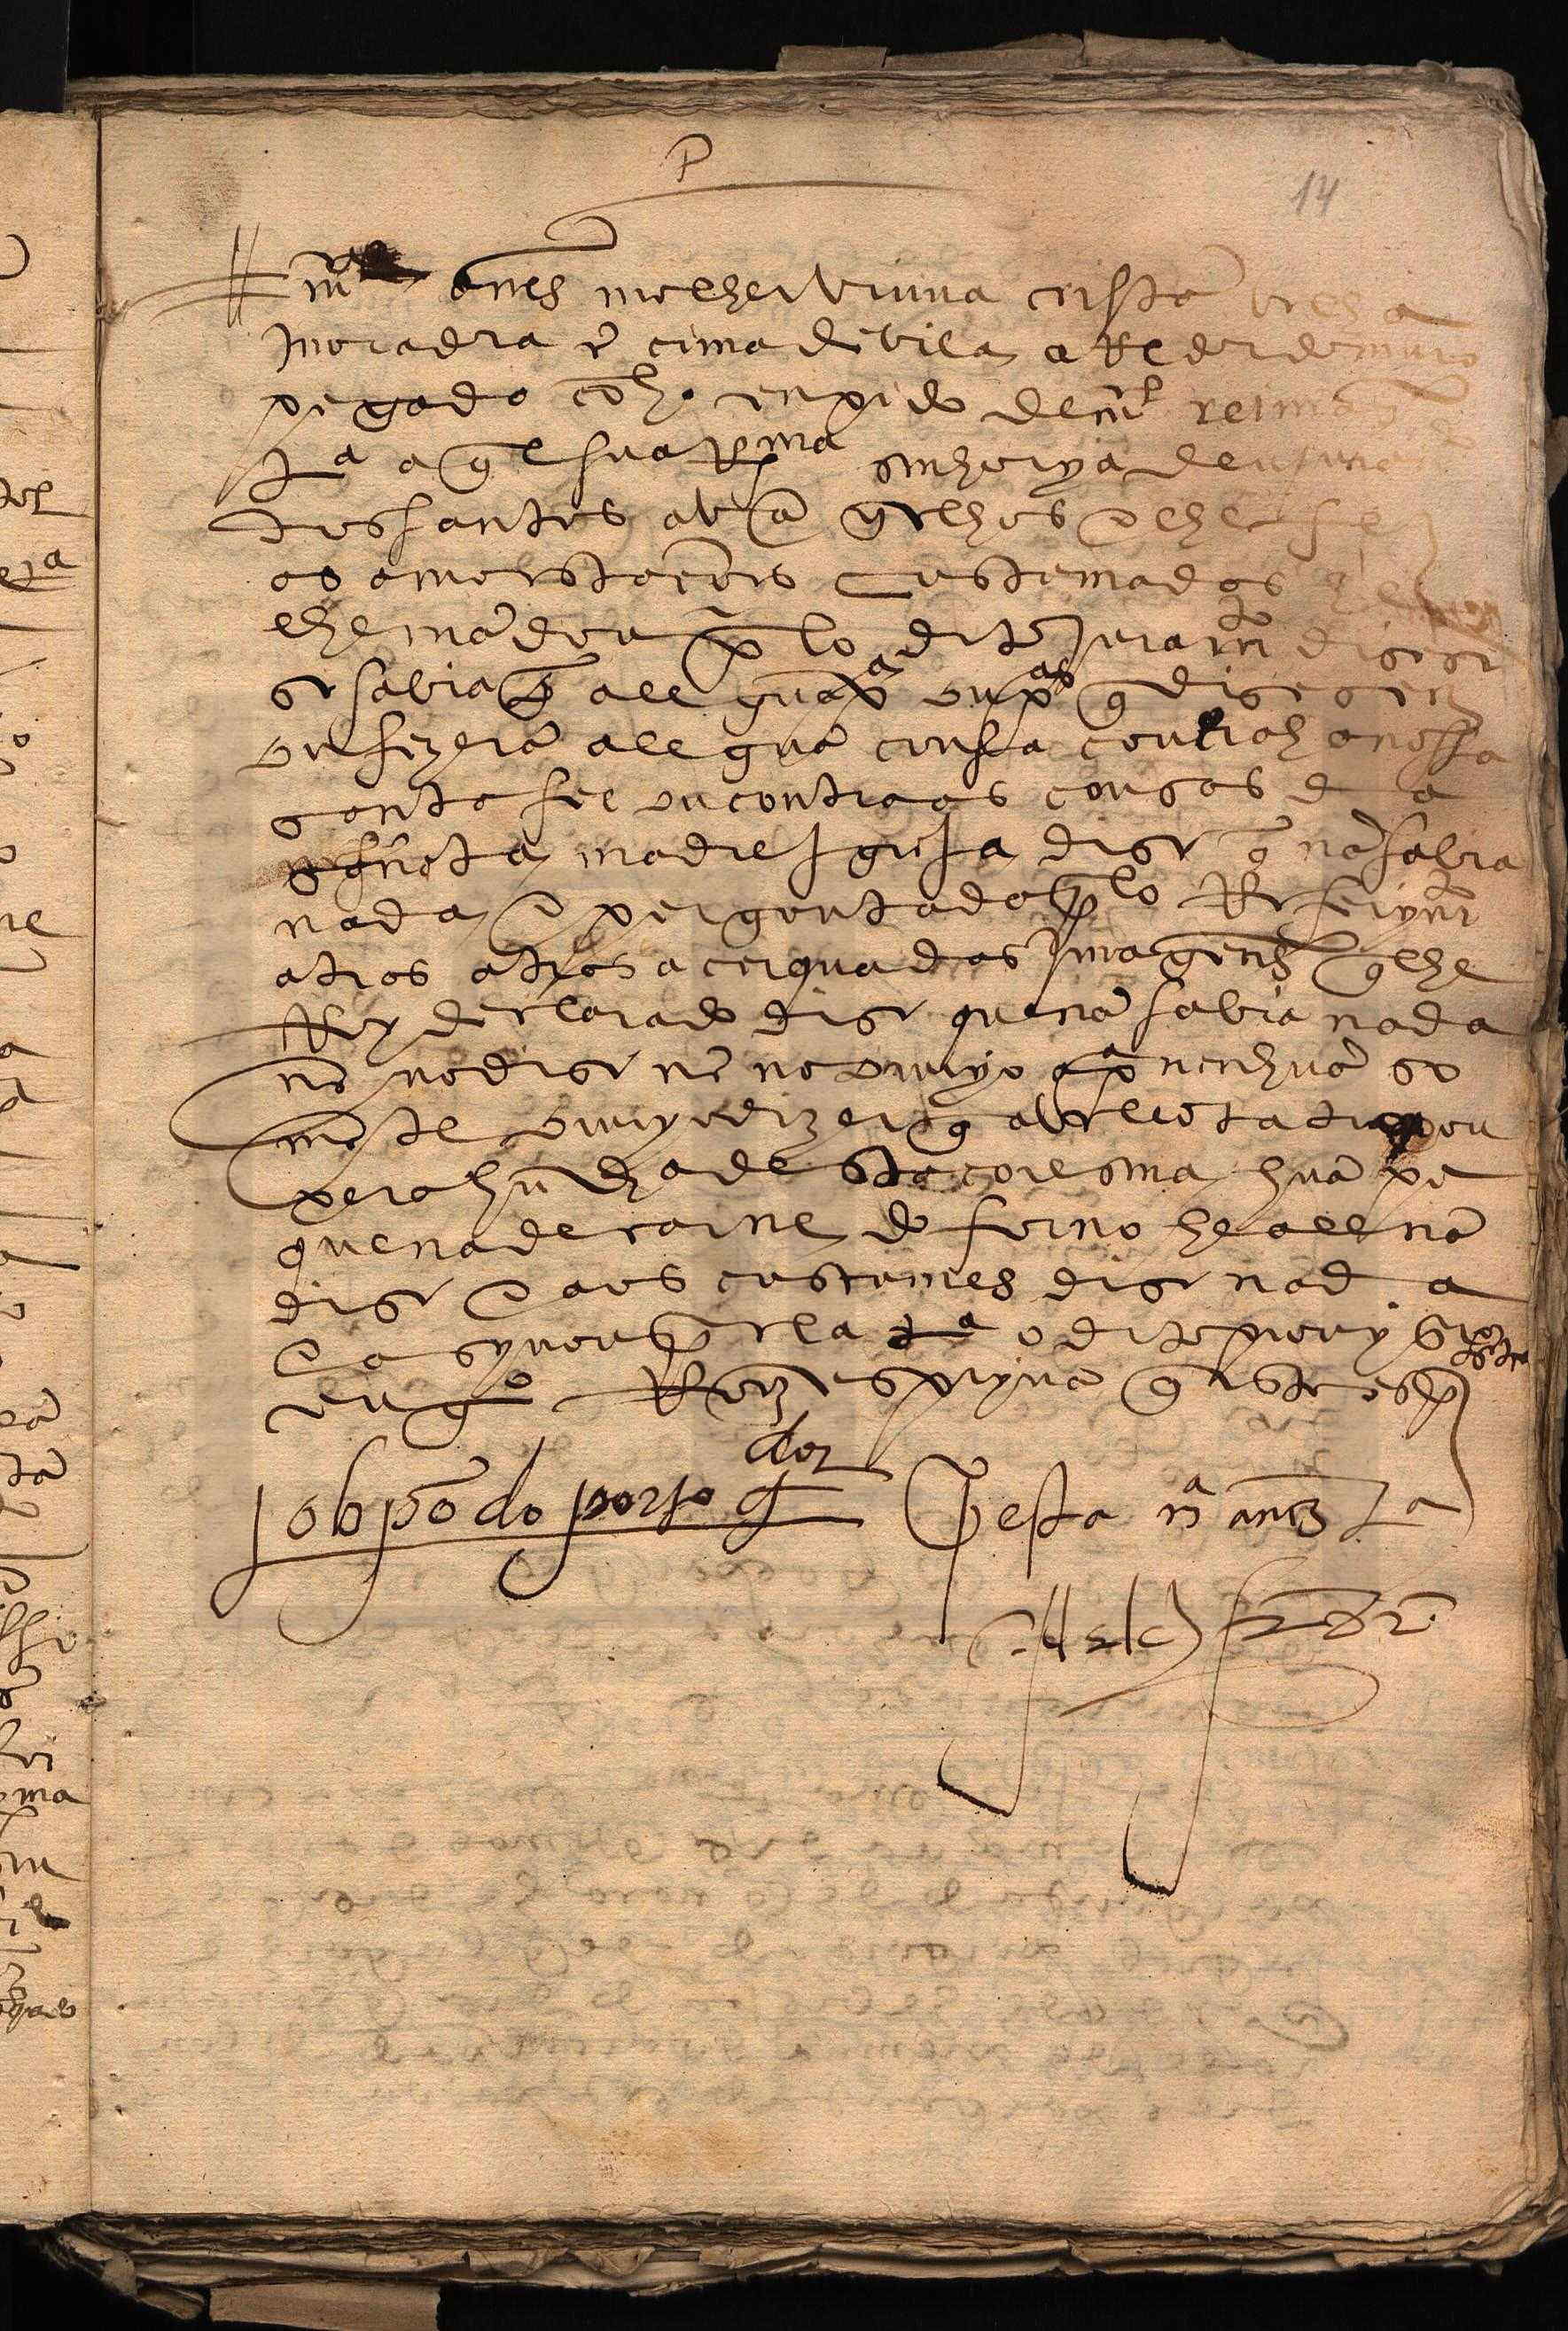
item maL ānes molher viuua cristā velha
moradora ē cima de vila aRedor do muro
pegado cō ho enxido de mel reimão
ta a q̄l Rꝭma senhorya deu juramto
dos santos avāgelhos e lhe fez
as amoestações custumadas he
lhe mādou p̄lo dito Juramto disese
se sabia q̄ allgūa pa ou pas q̄ disesem
o fezerā allguā cousa contra ha nossa
santa fee ou contra as cousas da
sancta madre JgreJa dise q̄ nā sabia
nada, e perguntado p̄lo Referymto
atras atras acerqua das Jmagens q̄ lhe
ffoy declarado dise que nā sabia nada
nē no dise nē no ouuyo a pa nenhuā so
mēte ouuyo dizer q̄ a vellota tr_ou
xera hū dja desta coresma huā pe
quena de carne do forno he all nā
dise e aos custumes dise nada
e asynou p̄ ela ta o dito prouysor ꝑsēte
eu go Rōiz espryuā q̄ esto esp̄j
o bpō do porto gdor
p̄o esta ma ānez ta
Melch fr̄z
